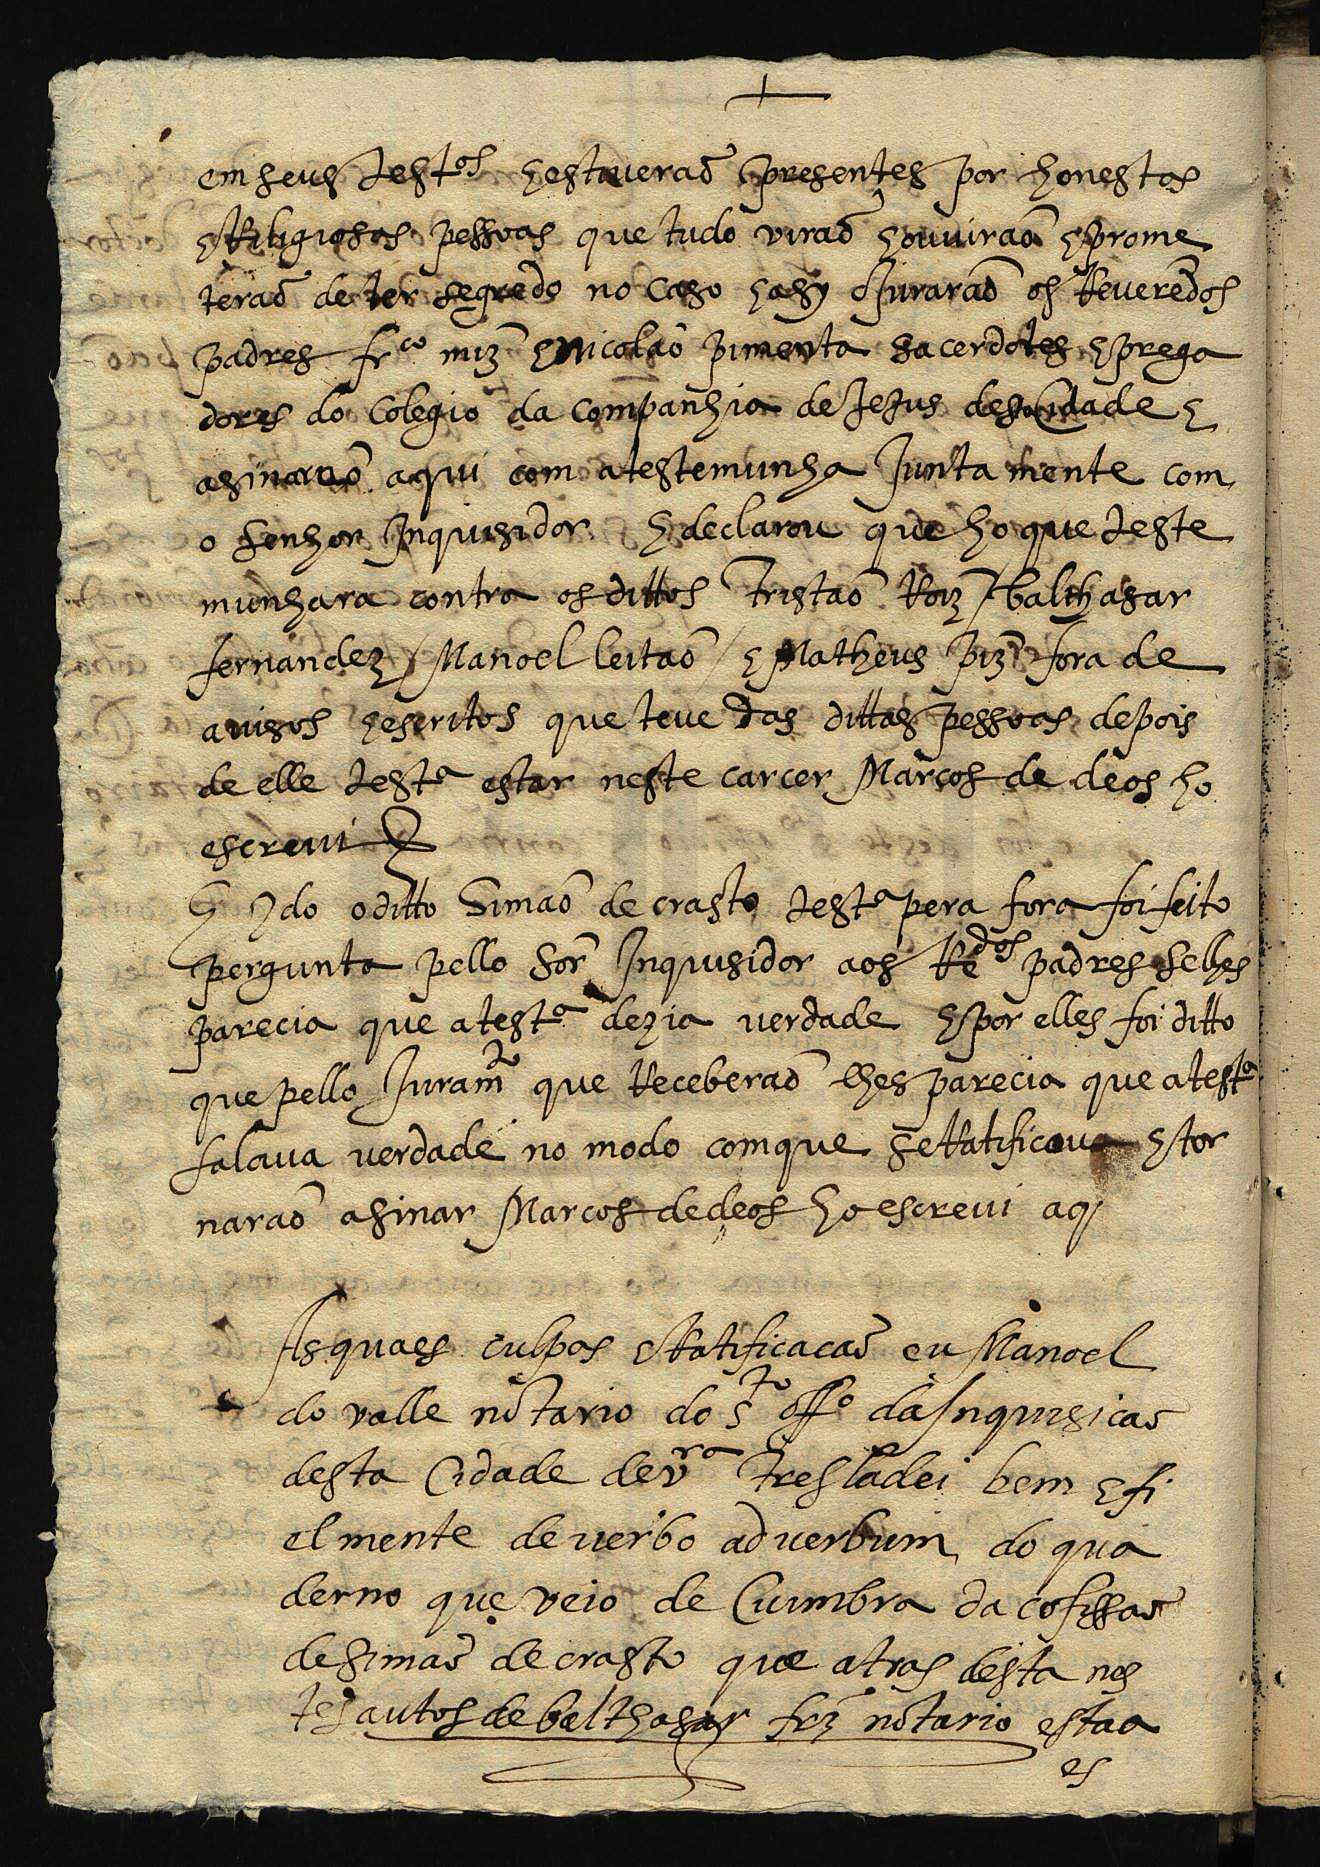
em seus testos E estiueraõ presentes por honestas
E Religiosas pessoas que tudo viraõ E ouuiraõ E prome
teraõ de ter segredo no caso E asy o Juraraõ os Reuerēdos
padres frco miz̄ E nicolao pimenta sacerdotes E prega
dores do colegio da companhia de Jesus desta Cidade E
asinaraõ aqui com a testemunha Juntamente com
o senhor Jnquisidor E declarou que ho que teste
munhara contra os dittos tristaõ Roiz̄ / balthasar
fernandez / Manoel leitaõ / E Matheus piz̄ fora de
auisos E escritos que teve das dittas pessoas depois
de elle testa estar neste carcer Marcos de deos ho
escreui
E jdo o ditto Simaõ de crasto testa pera fora foi feito
pergunta pello Sor̄ Jnquisidor aos Redos padres se lhes
parecia que a testa dezia uerdade E por elles foi ditto
que pello Juramto que Receberaõ lhes parecia que a testa
falaua uerdade no modo com que se Ratificou E tor
naraõ asinar Marcos de deos ho escreui aq̄
As quaes culpas E Ratificaçaõ eu Manoel
do valle notario do sto offo da Jnquisição
desta Cidade devra tresladei bem E fi
elmente de uerbo ad uerbum do qua
derno que veio de Cuimbra da cōfissaõ
de Simaõ de crasto que atras desta nes
tes autos de balthasar frz̄ notario estaa
es
